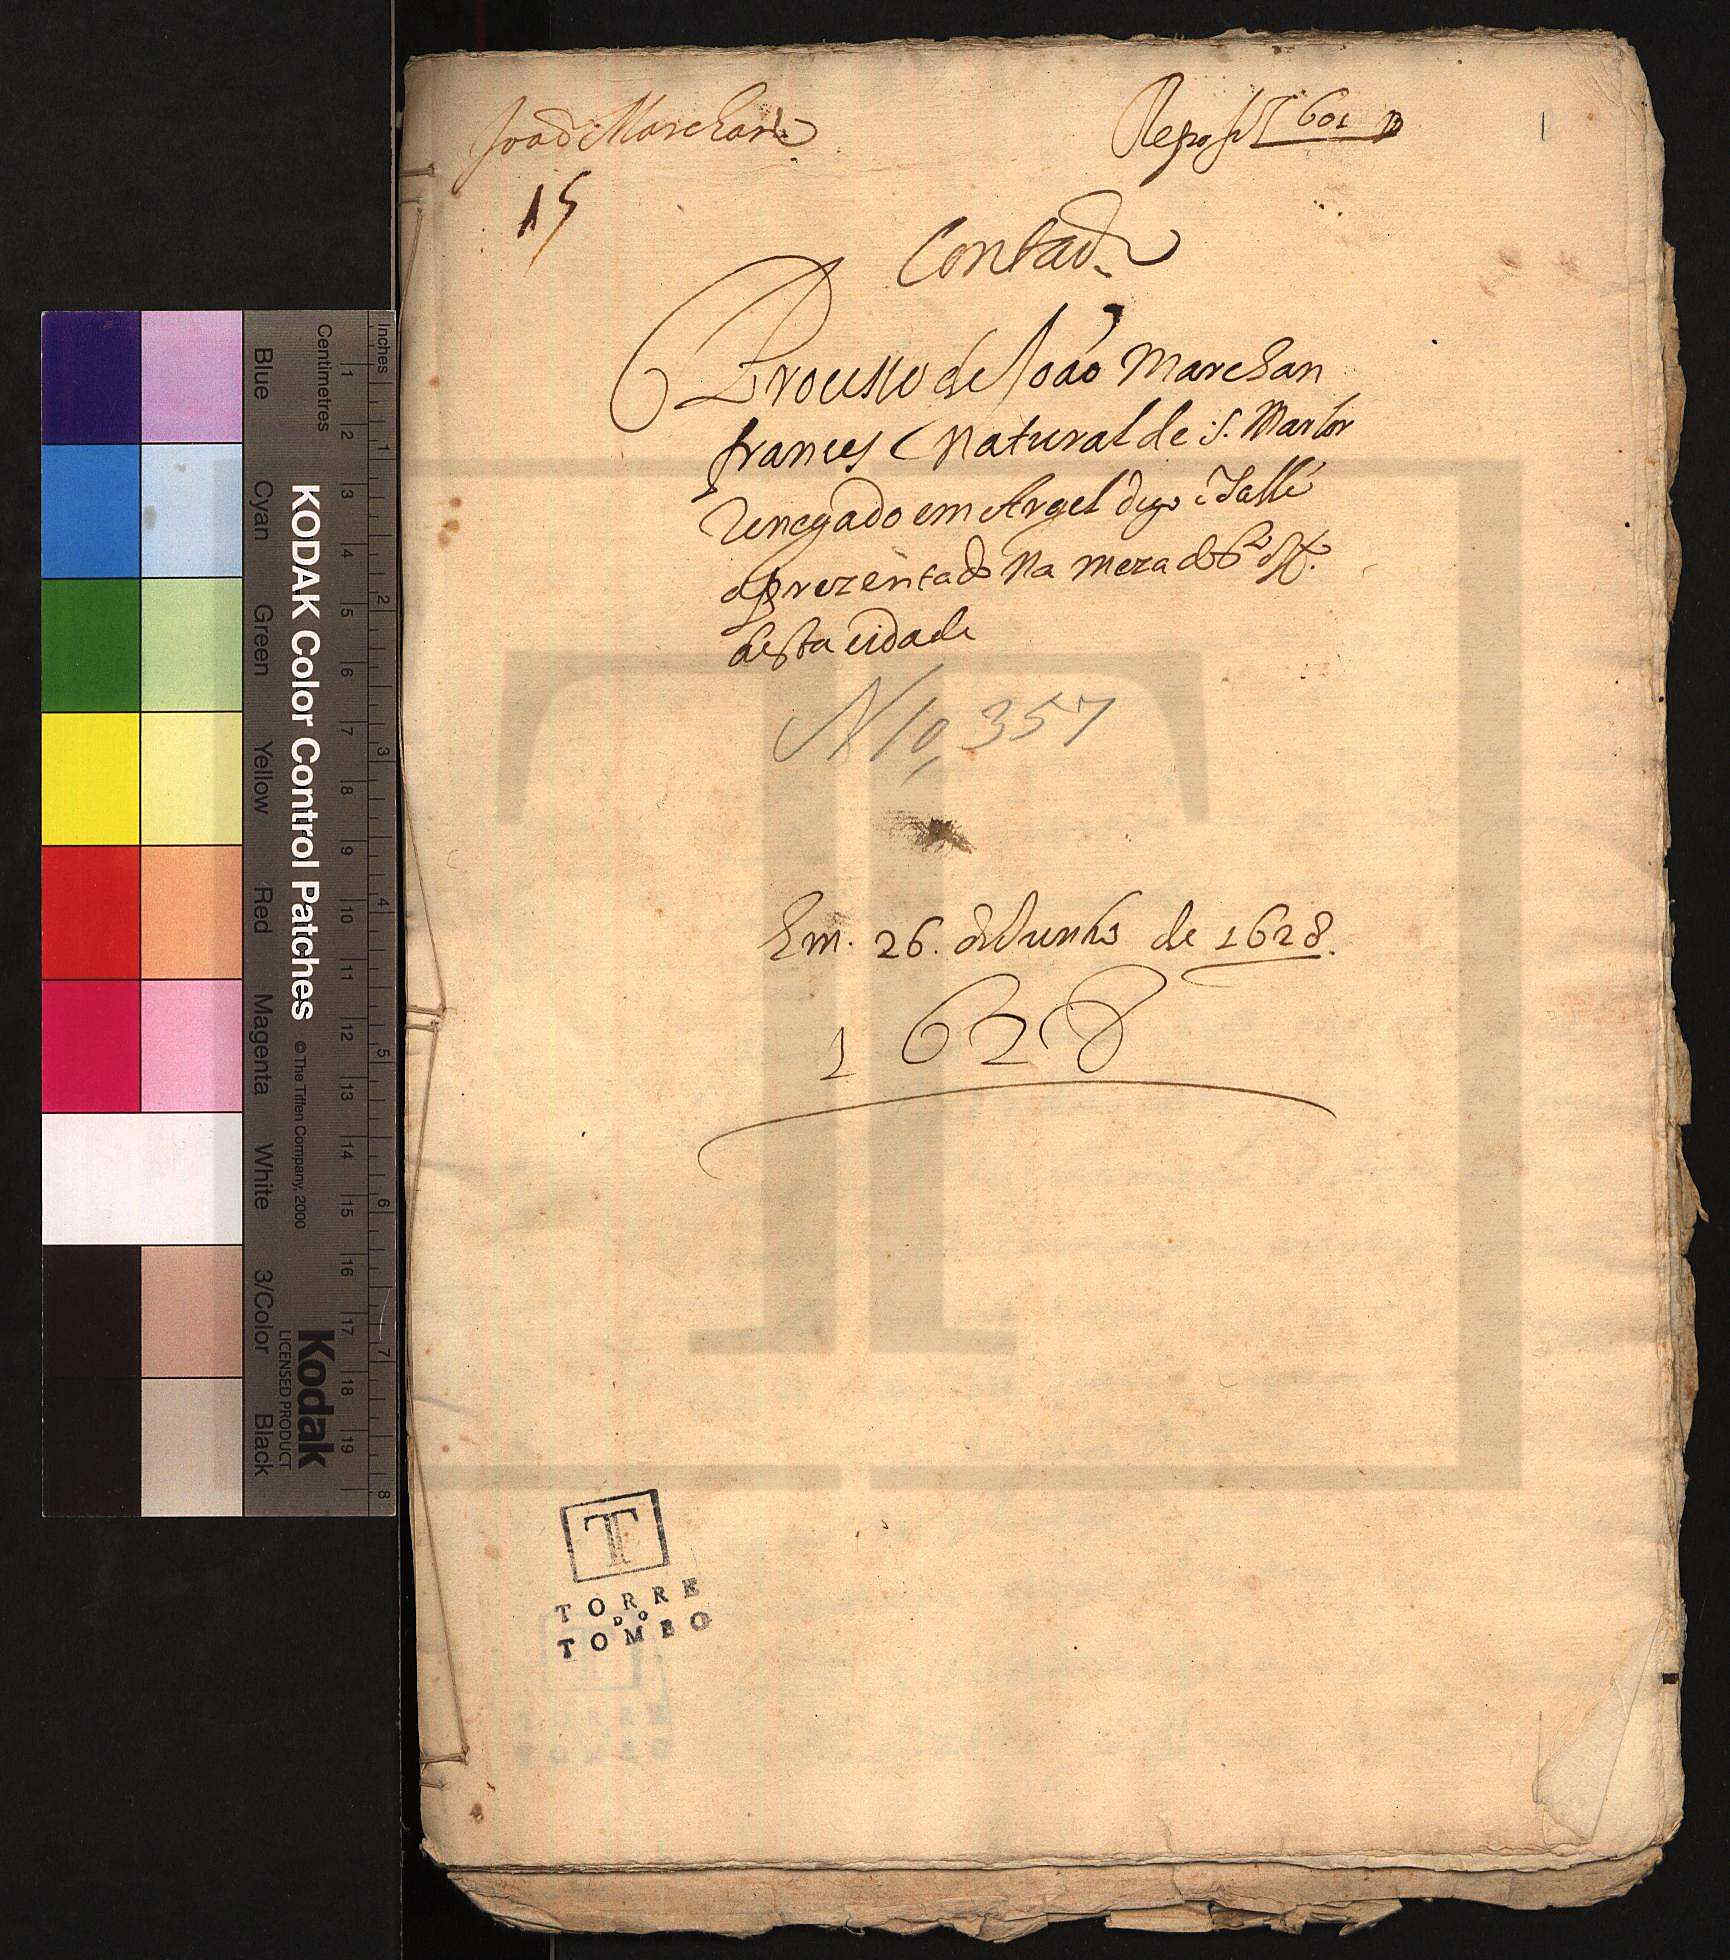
Repo foL 601
Joaõ Marchan
15
Contado
Processo de João Marchan
frances, natural de S. Marlor
renegado em Argel, digo ē Sallé
aprezentado na meza do sto off.o
desta cidade
Em 26. de Iunho de 1628
1628
